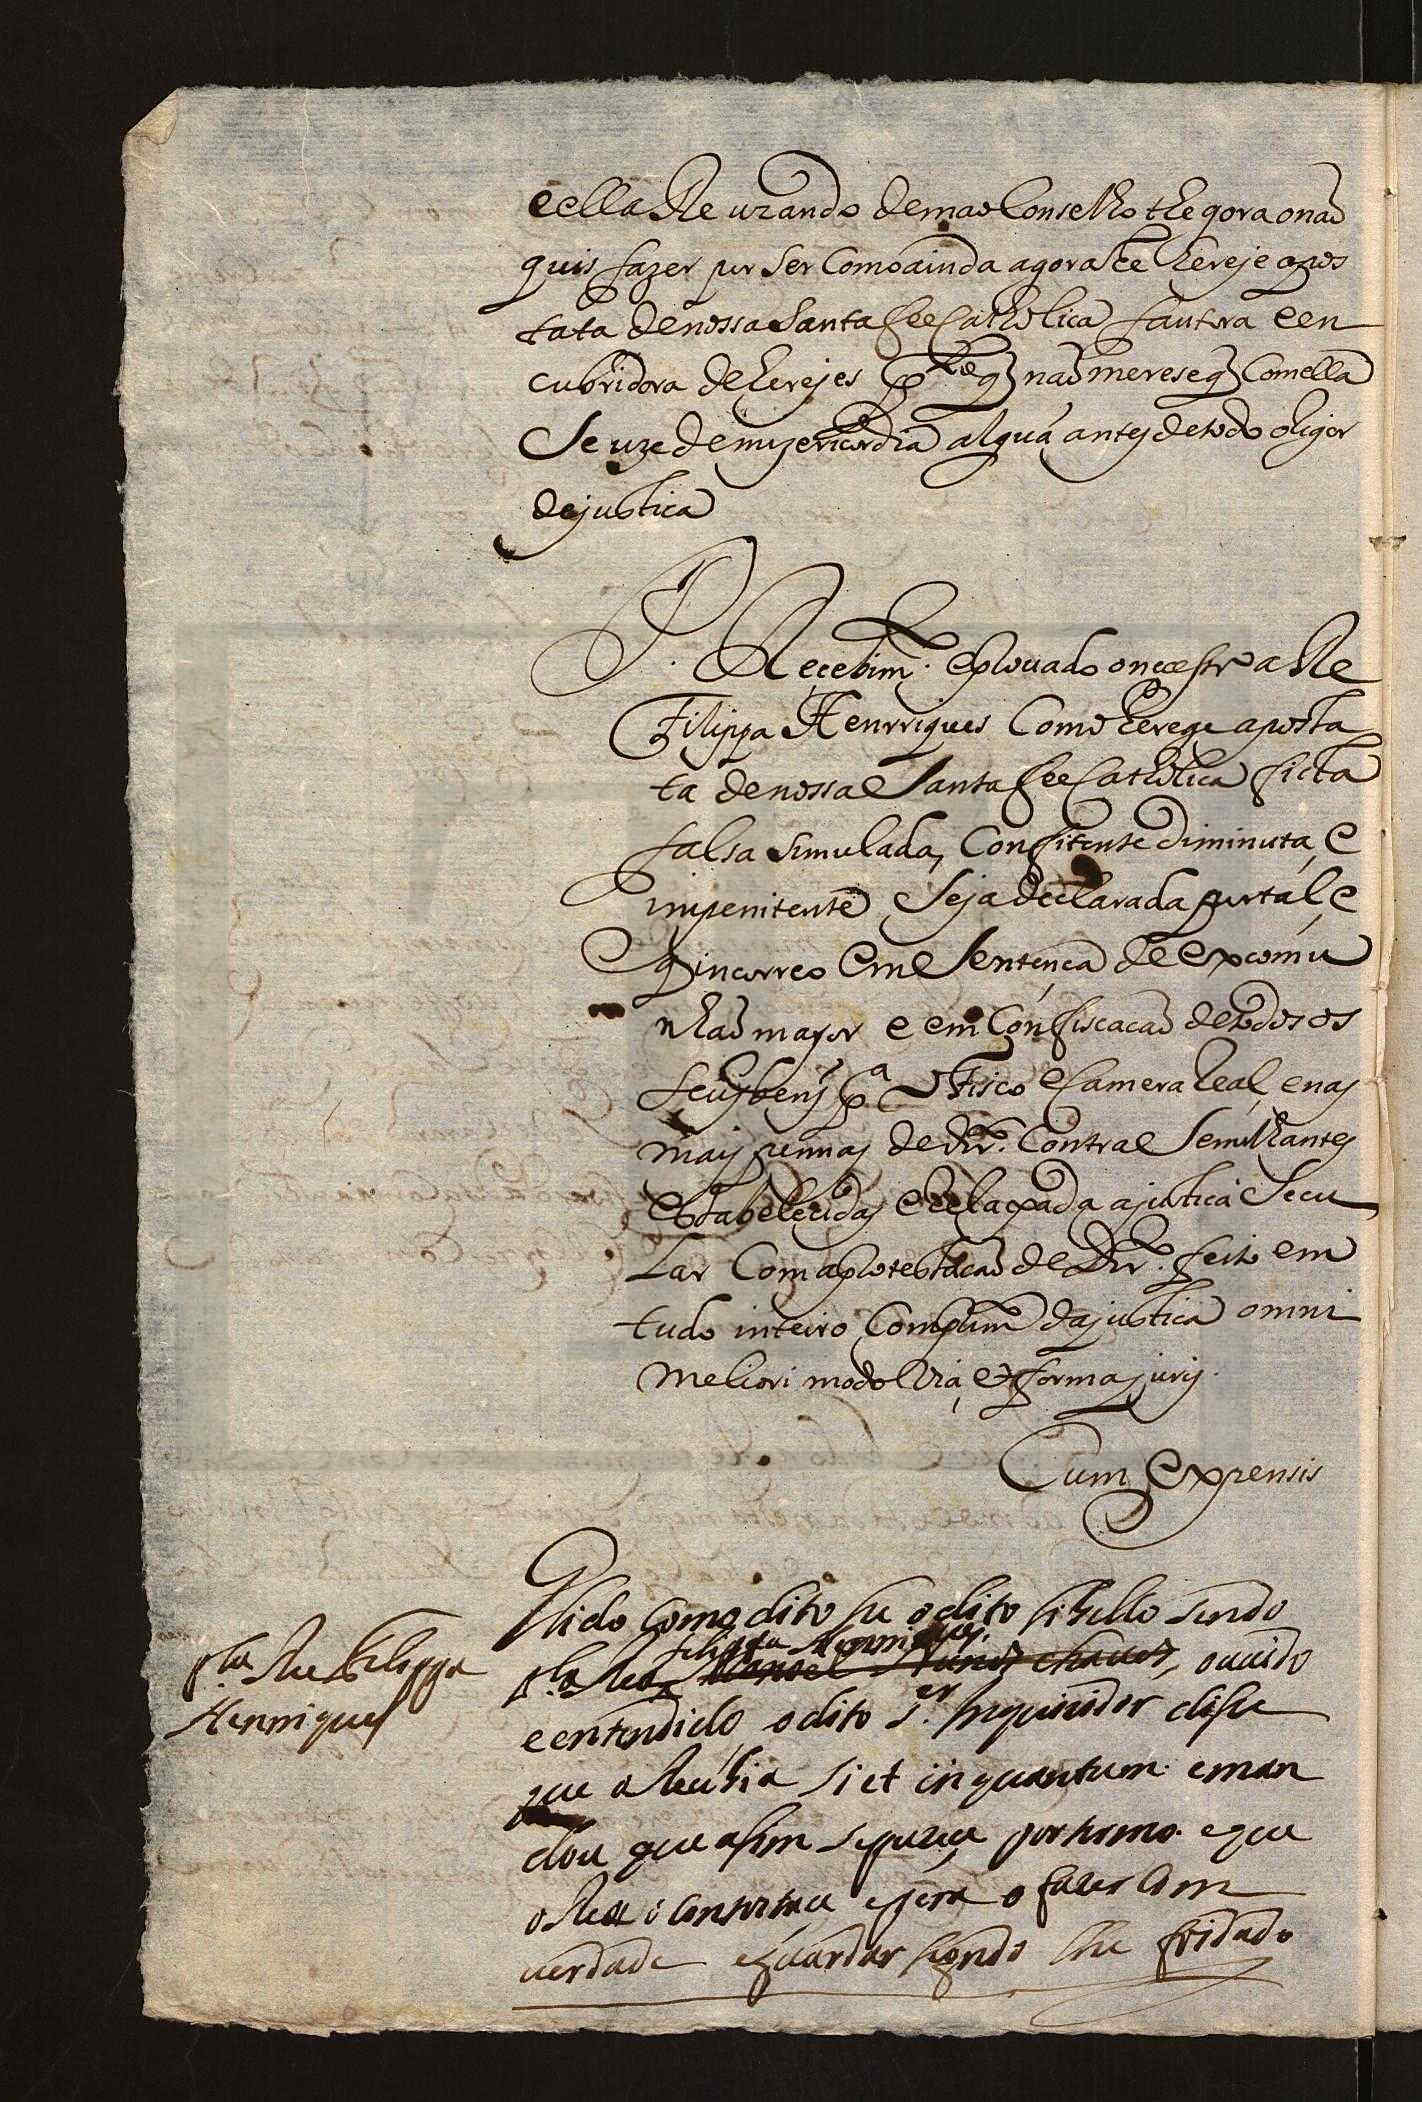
e ella Re uzando de mao Conselho the gora o naõ
quis fazer por ser Como ainda agora he hereje apos
tata de nossa Santa fee Catholica fautora e en
cubridora de herejes plo q̄ naõ merese q̄ Com ella
Se uze de mizericordia alguā antes de todo o Rigor
de justiça
P Recebim.to e pRouado o necessro a Re
Filippa Henrriques Como herege aposta
ta de nossa Santa fee Catholica ficta
falsa simulada, Confitente diminuta, E
impenitente Seja declarada por tal, e
q̄ incorreo em Sentença de excomu
nhaõ mayor e em Confiscaçaõ de todos os
Seus bens̄ pa o Fisco e Camera Real, e nas
mais pennas de dir.to Contra Semelhantes
Estabelecidas e Relaxada a justiça Secu
Lar Com a pRotestaçaõ de Dir.to feito em
tudo inteiro CompRim.to da justiça omni
meliori modo Via, ē forma juris
Cum expensis
E lido como dito he o dito libello sendo
felippa Henriques
p.la Rea Manoel Nunes chaues, ouuido
p.la Ree Felippa
e entendido o dito s.or Inquizidor disse
Henrriques
que a Recebia si et in quantum. e man
dou que assim se puzece por termo. e que
o Reo o contestou, e pera o fazer com
uerdade e guardar segredo lhe foi dado
